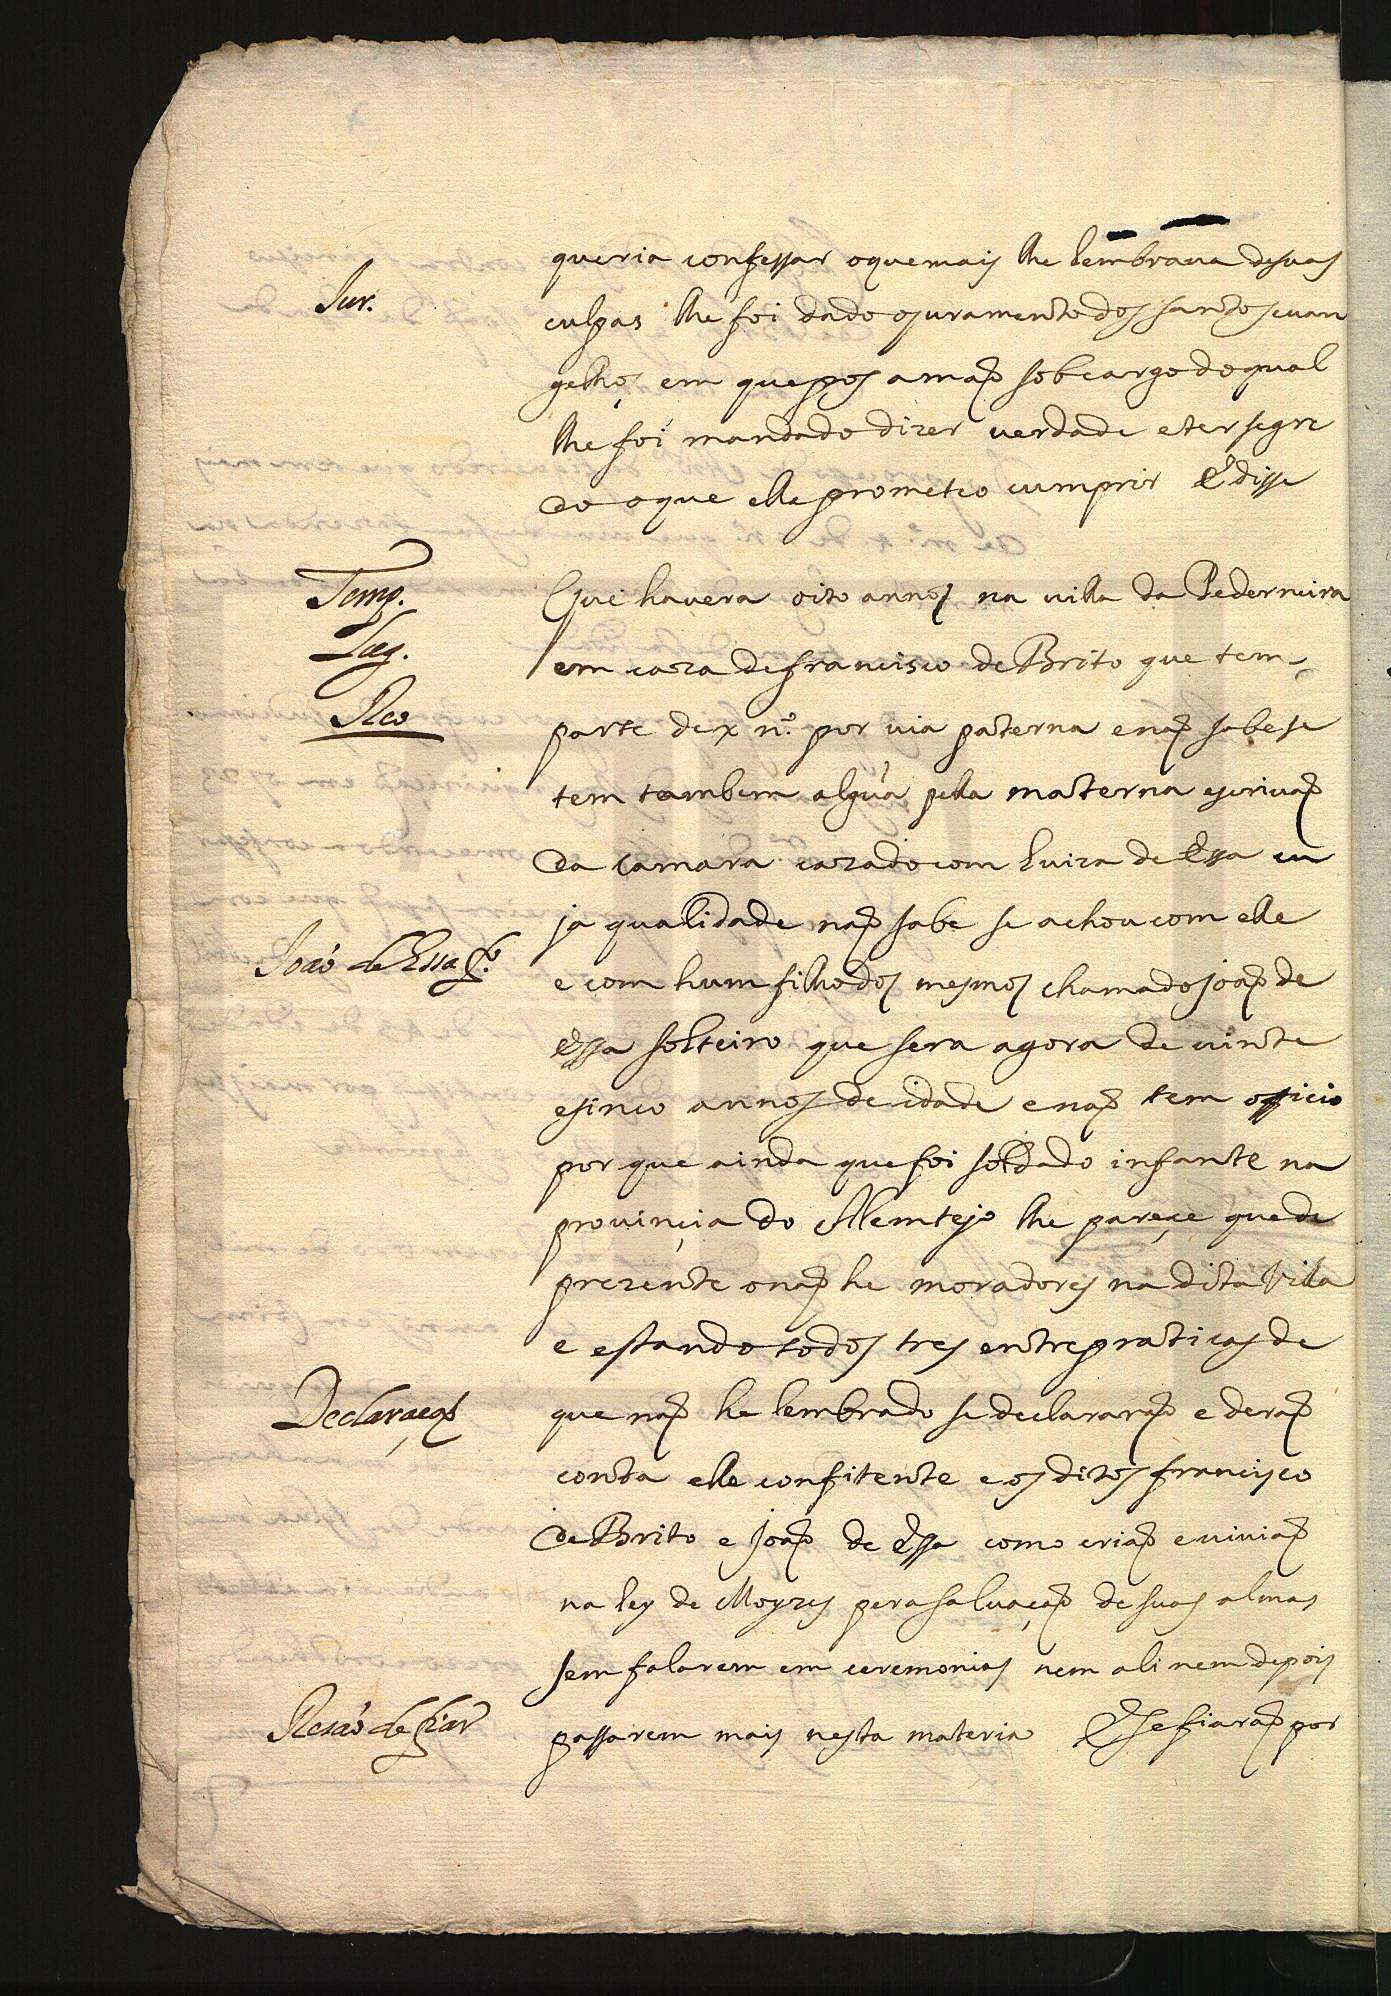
Iur.
queria confessar o que mais lhe lembraua de suas
culpas lhe foi dado o juramento dos santos euan
gelhos em que pos a maõ sob cargo do qual
lhe foi mandado dizer uerdade e ter segre
do o que elle prometeo cumprir e disse
Temp.
Lug.
Que hauera oito annos na uilla da Pederneira
em caza de francisco de Brito que tem
parte de x n.o por uia paterna e naõ sabe se
Reo
tem tambem alguā pella materna escriuaõ
da camara cazado com luiza de essa cu
ja qualidade naõ sabe se achou com elle
e com hum filho dos mesmos chamado joaõ de
Ioaõ de Essa f.o
essa solteiro que sera agora de uinte
e sinco annos de idade e naõ tem officio
porque ainda que foi soldado infante na
prouincia do Alentejo lhe parece que de
prezente o naõ he moradores na dita villa
e estando todos tres entre praticas de
que naõ he lembrado se declararaõ e deraõ
Declaraçaõ
conta elle confitente e os ditos francisco
de Brito e joaõ de essa como criaõ e uiuiaõ
na ley de Moyzes pera saluaçaõ de suas almas
sem falarem em ceremonias nem ali nem depois
Resaõ de fiar
passarem mais nesta materia E se fiaraõ por
